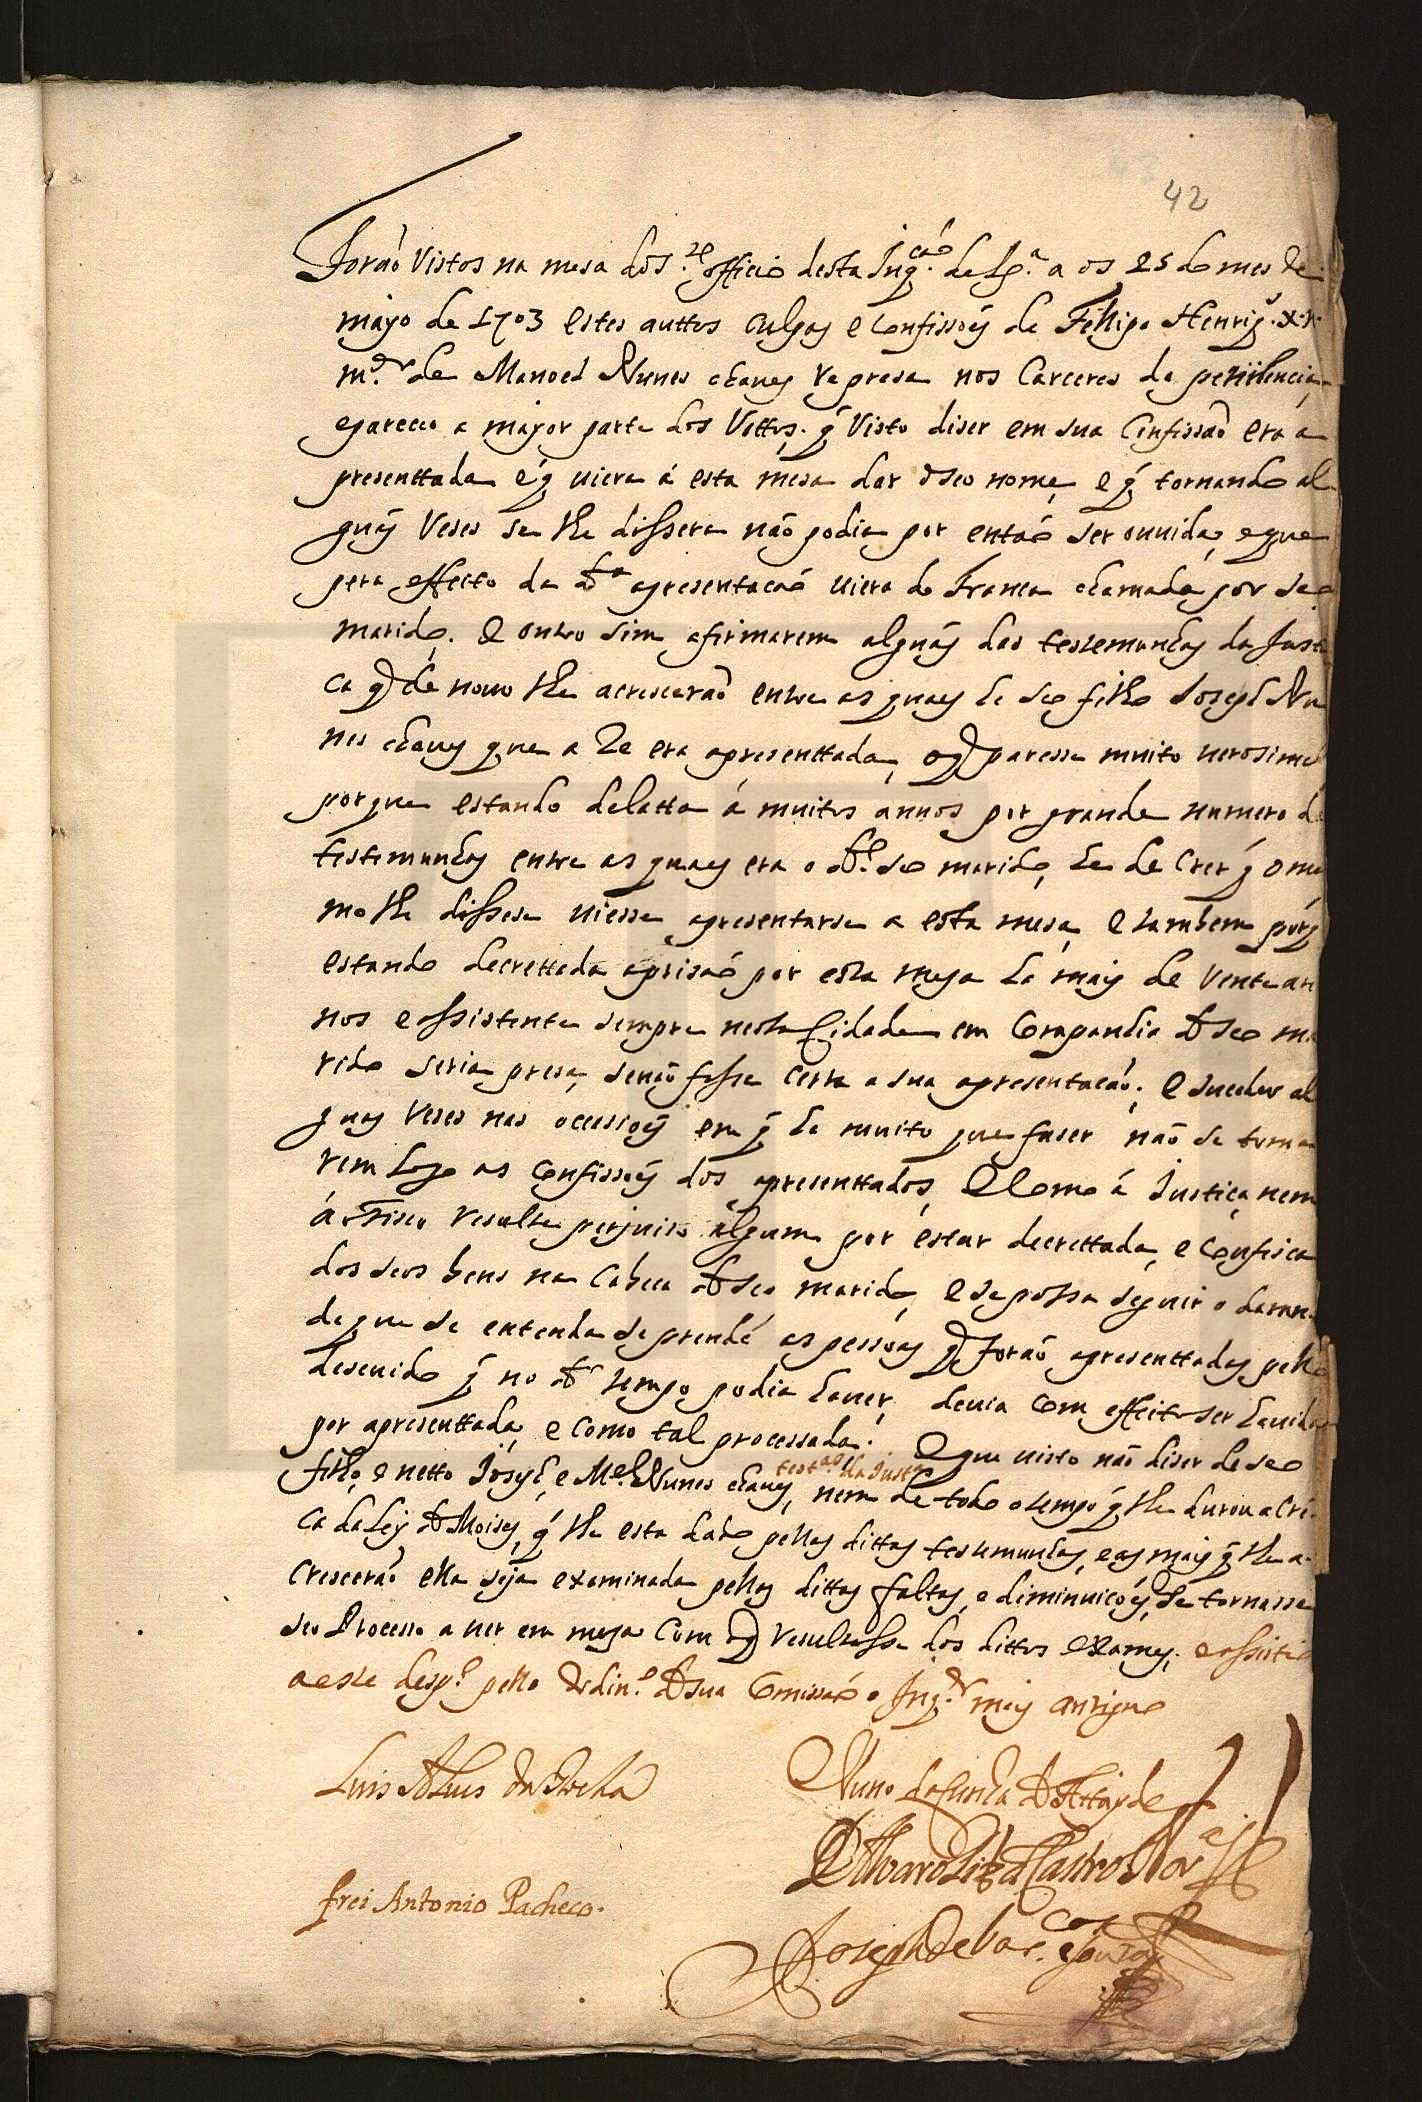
Foraõ vistos na mesa do s.to officio desta Inq.çaõ de Lx.a aos 25 do mes de
mayo de 1703 estes auttos culpas e confissoẽs de Fellipa Henriq.s x.n.
m.er de Manoel Nunes chaues re presa nos Carceres da penitencia
e pareceo a mayor parte dos Vottos; q̄ visto diser em sua Confissaõ era a
presenttada e q̄ uiera á esta mesa dar o seo nome, e q̄ tornando al
guās Veses se lhe dissera naõ podia por entaõ ser ouuida, e que
pera effeito da d̄a apresentaçaõ uiera de Franca chamada por seo
marido; e outrosim afirmarem alguās das testemunhas da Just
ça q̄ de nouo lhe acresceraõ entre as quaes he seo filho Ioseph Nu
nes chaues que a Re era apresenttada, o q̄ paresse muito uerosime
porque estando delatta á muitos annos por grande numero de
testemunhas entre as quaes era o d̄.o seo marido, he de crer q̄ o me
mo lhe dissese uiesse apresentarse a esta mesa, e tambem porq̄
estando decrettada a prisaõ por esta mesa ha mais de vinte an
nos e assistente sempre nesta Cidade em companhia d̄ seo ma
rido seria presa, se naõ fosse certa a sua apresentaçaõ. E suceder al
guas veses nas occasioẽs em q̄ ha muito que faser naõ se toma
rem Logo as confissoẽs dos apresenttados, E Como á Iustiça nem
áo Fisco resulte perjuiso algum por estar decrettada, e confisca
dos seos bens na cabeça d̄ seo marido, e se possa seguir o damn
de que se entenda se prendé as pessoas q̄ foraõ apresenttadas pello
descuido q̄ no d̄o tempo podia hauer, deuia com effeito ser hauida
por apresenttada e como tal processada! E que uisto naõ diser de seo
test.as da Iusta
filho, e netto Ioseph, e M.el Nunes chaues, nem de todo o tempo q̄ lhe durou a Cre
ca da Ley de Moises, q̄ lhe esta dado pellas dittas testemunhas, e as mais q̄ lhe a
cresceraõ ella seja examinada pellas dittas faltas, e diminuiçoẽs, se tornasse
seo Processo a uer em meza com o q̄ resultasse dos dittos exames; e assistio
a este desp.o pello Ordin.o d̄ sua Comissaõ o Jnq.or mais antiguo
Nuno da Cunha d̄ Attayde
Luis Alues da Rocha
D Alvaro Rib d̄ Castro Nora
frei Antonio Pacheco.
Jozeph de Vas.cos souza
